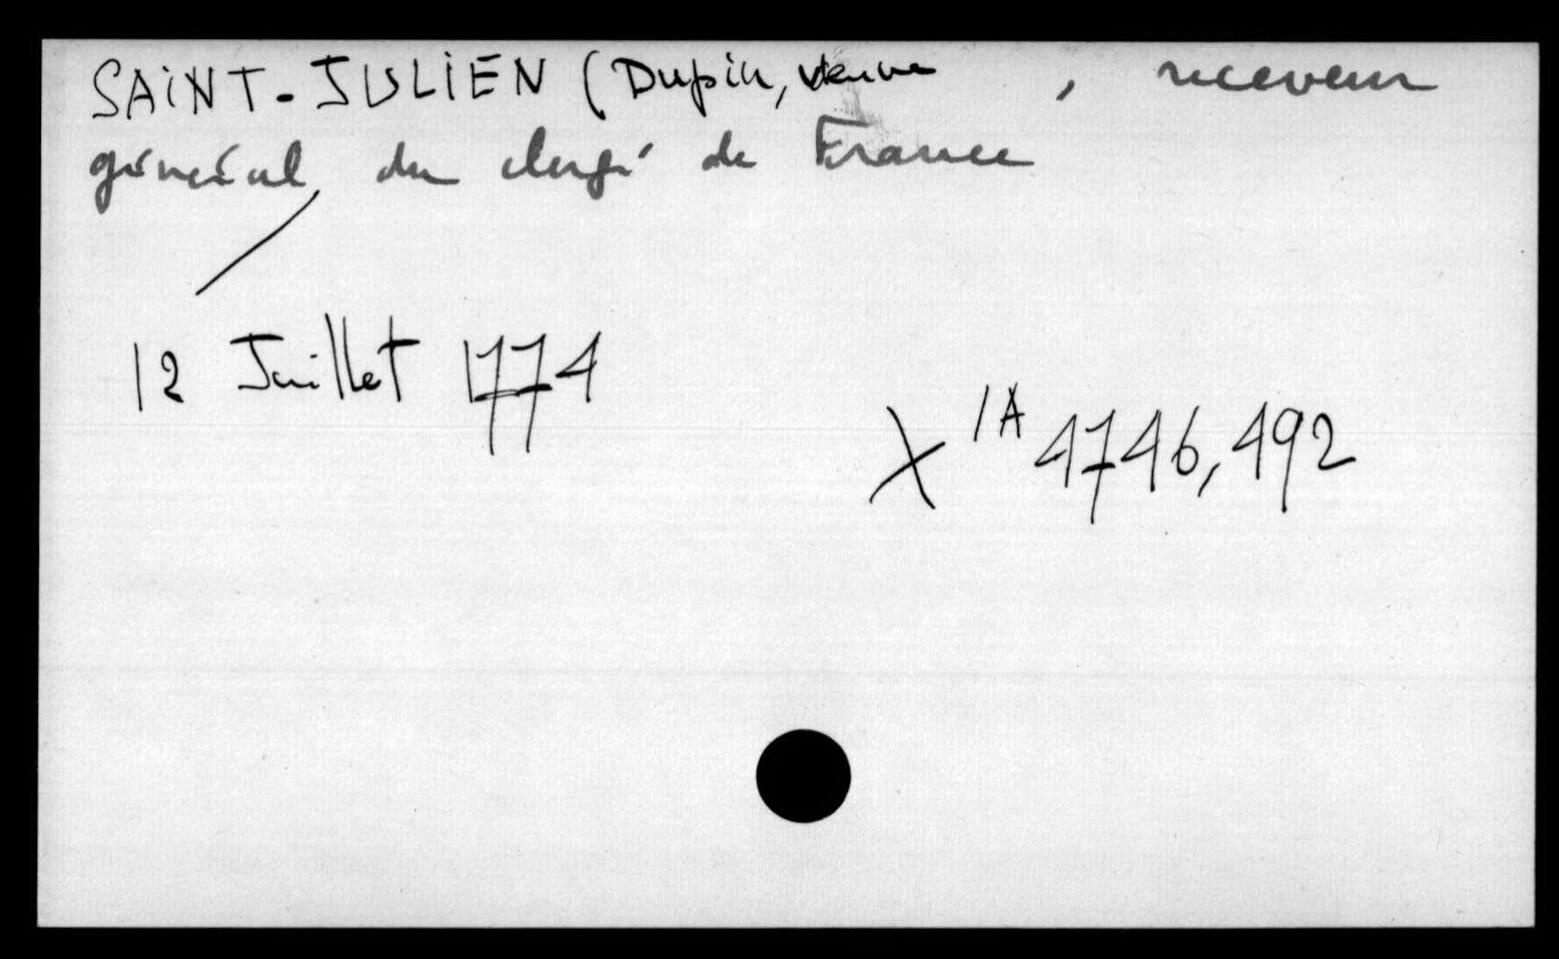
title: SAINT-JULIEN (Dupin, veuve, receveur général du clergé de France)
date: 12 juillet 1774
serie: X1A
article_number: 4746
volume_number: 492
